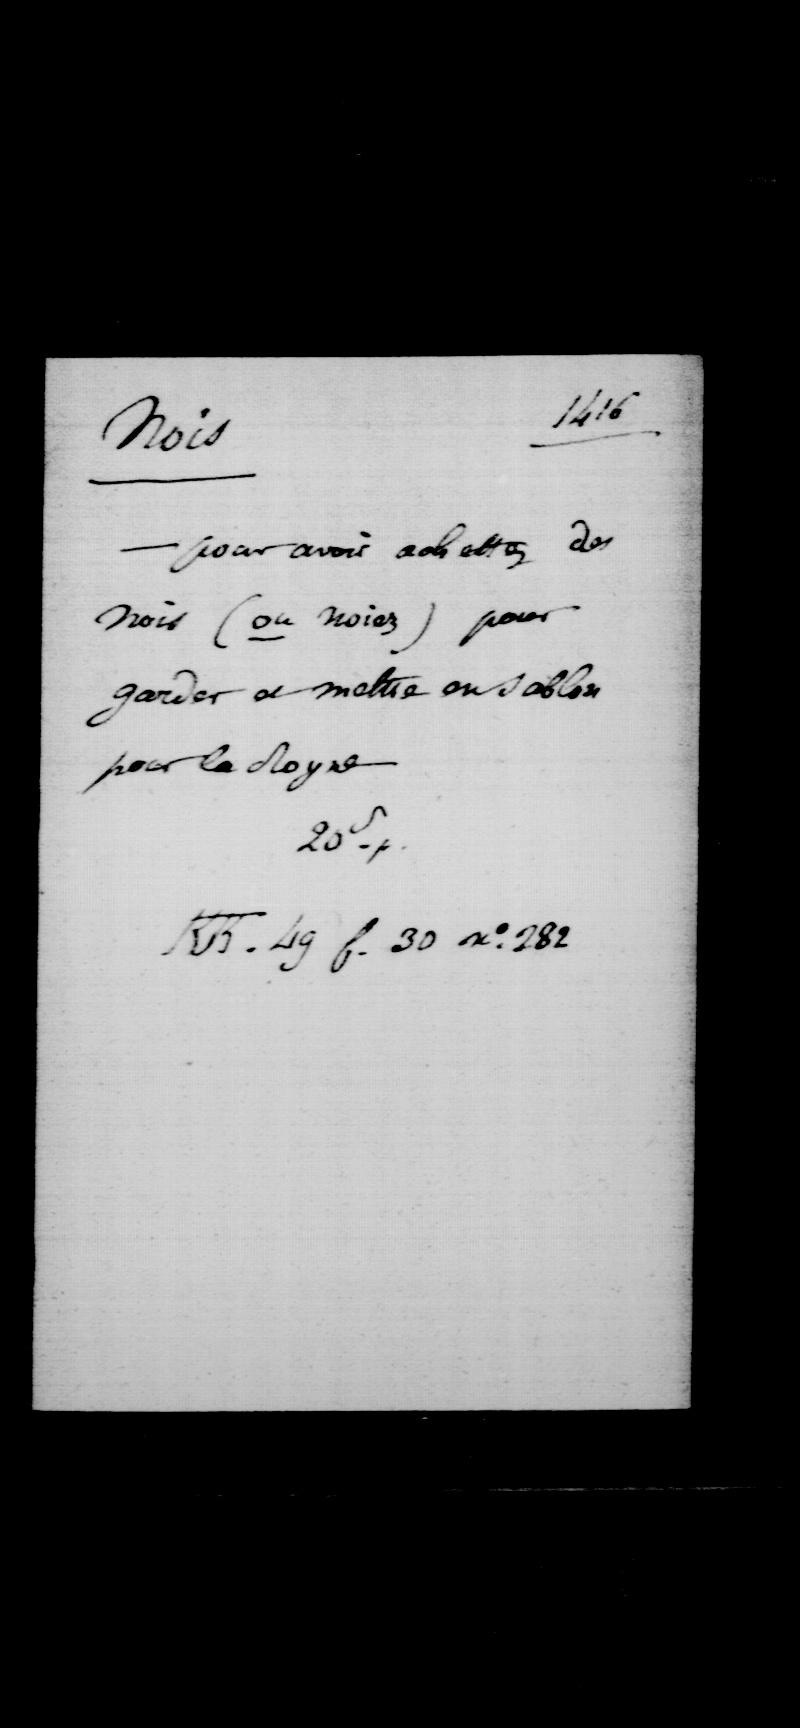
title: Nois
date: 1416
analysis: - pour avoir achattez des nois (ou noiez) pour garder et mettre en sablon pour la Royne 20 l. p. OU 20 s. p.
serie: KK
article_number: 49
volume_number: fol. 30 n° 282
